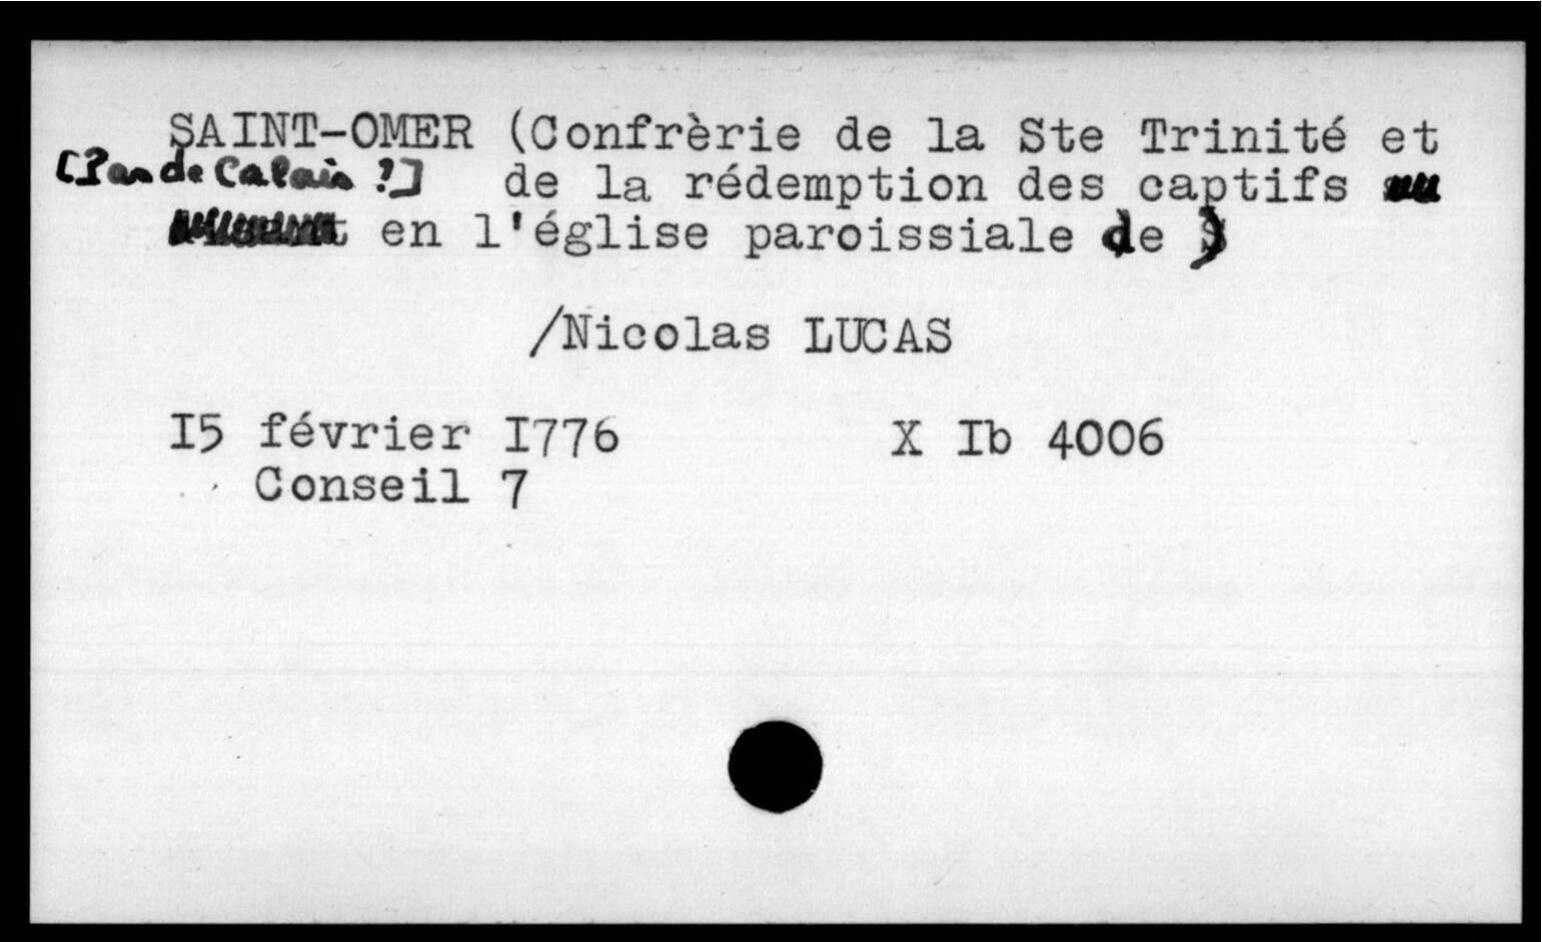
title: SAINT-OMER (Confrèrie de la Sainte Trinité et de la rédemption des captifs en l'église paroissiale de) [Pas-de-Calais ?]
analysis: Contre Nicolas LUCAS
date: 15 février 1776
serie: X1b
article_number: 4006
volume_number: Conseil, 7
